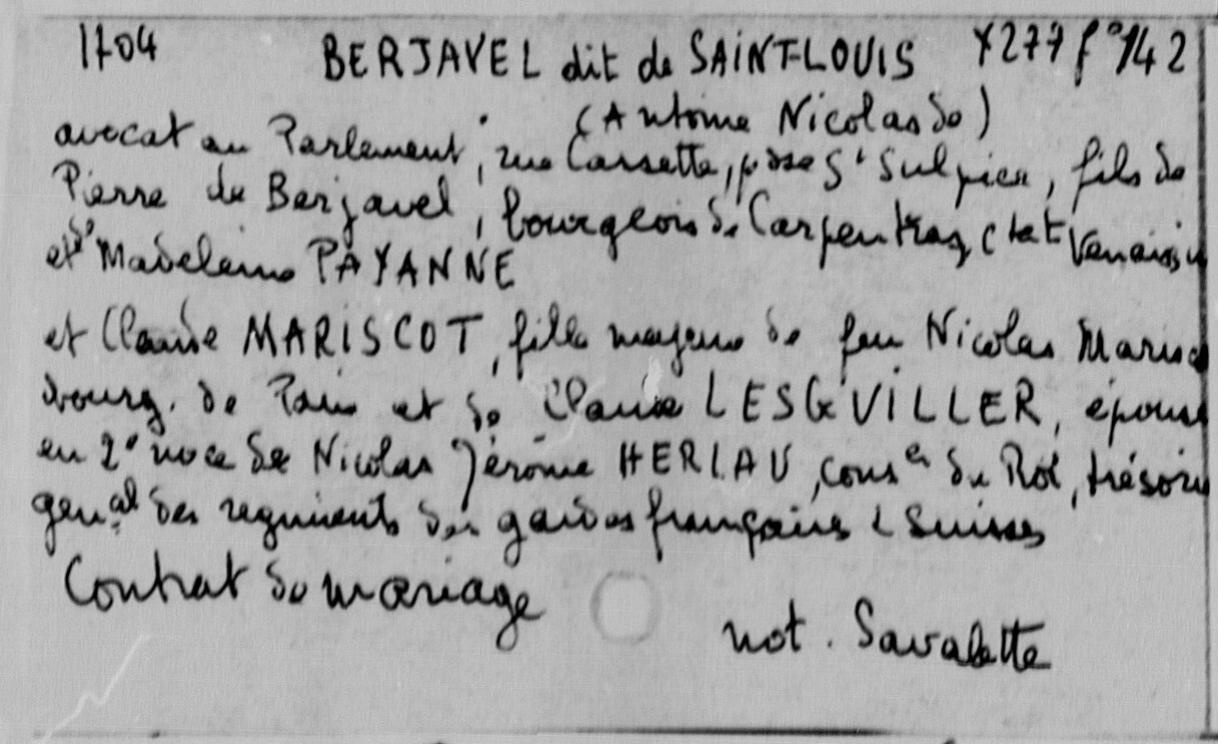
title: BERJAVEL dit de SAINT-LOUIS (Antoine Nicolas de)
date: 1704
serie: Y
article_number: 277
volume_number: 142v
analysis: Avocat au Parlement, rue Cassette, paroisse Saint-Sulpice, fils de Pierre de Berjavel, bourgeois de Carpentras comtat Venaissin et Madeleine Payanne. et Clause Mariscot, fille majeure de feu Nicolas Marie bourgeois de Paris et de Clause Lesgviller, épouse en 2è noce de Nicolas Jérôme Herlau, conseiller du Roi, trésorier général des régiments des gardes françaises et Suisses. Contrat de mariage notaire Savalette
